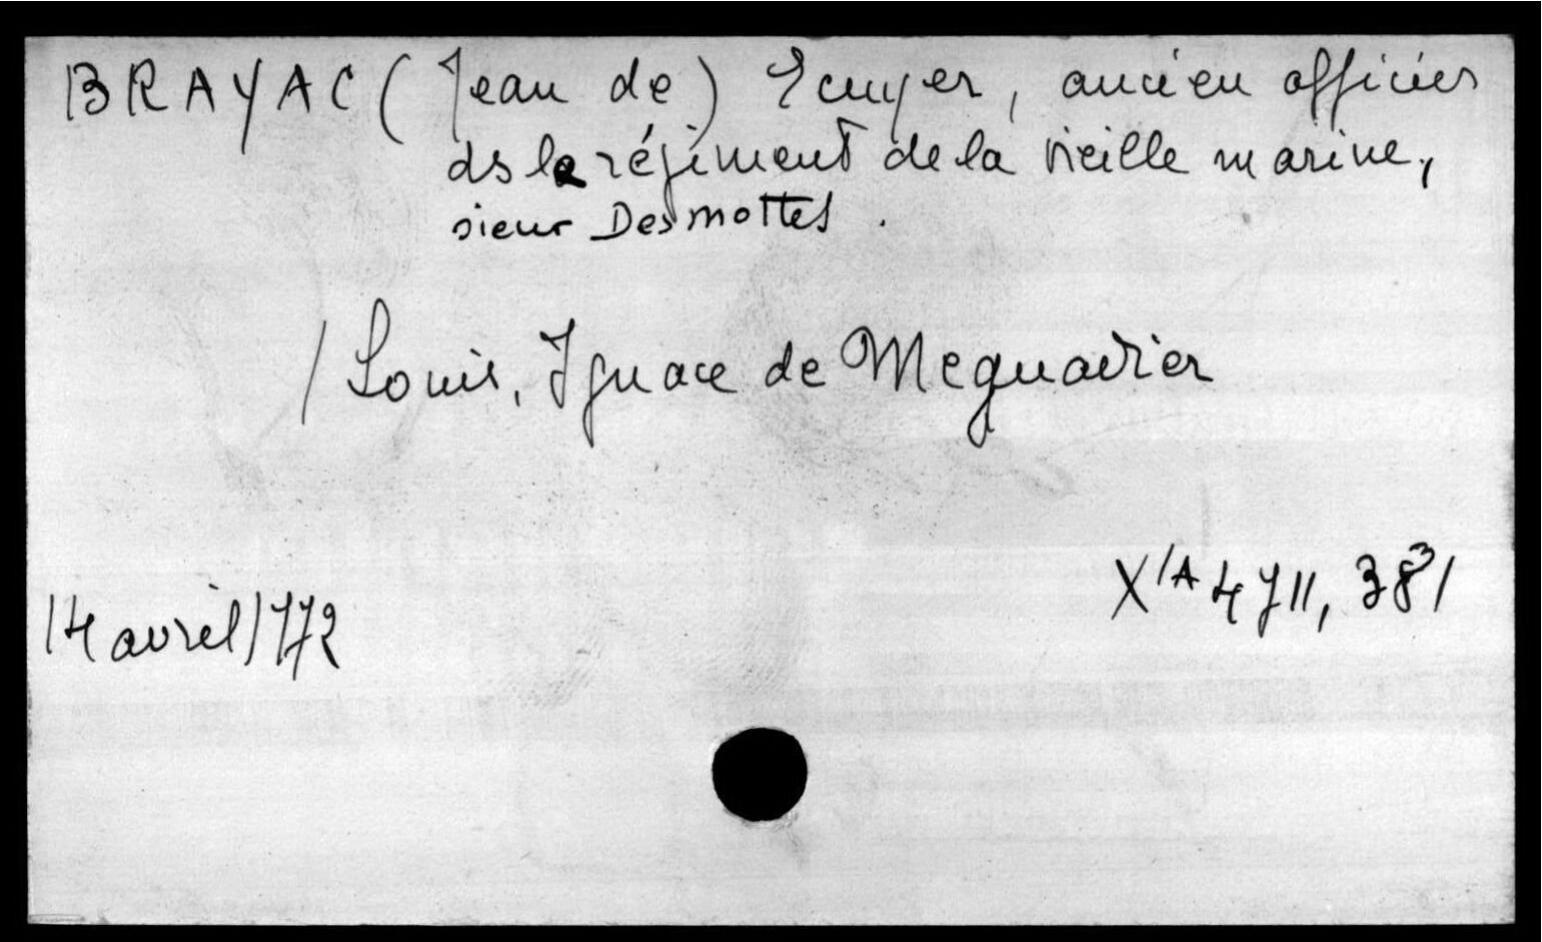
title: BRAYAC (Jean de) Écuyer, ancien officier dans la régiment de la vieille marine, sieur Desmottes
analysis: Contre Louis, Ignace de Meguadier
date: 14 avrIl 1772
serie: X1A
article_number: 4711
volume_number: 381
